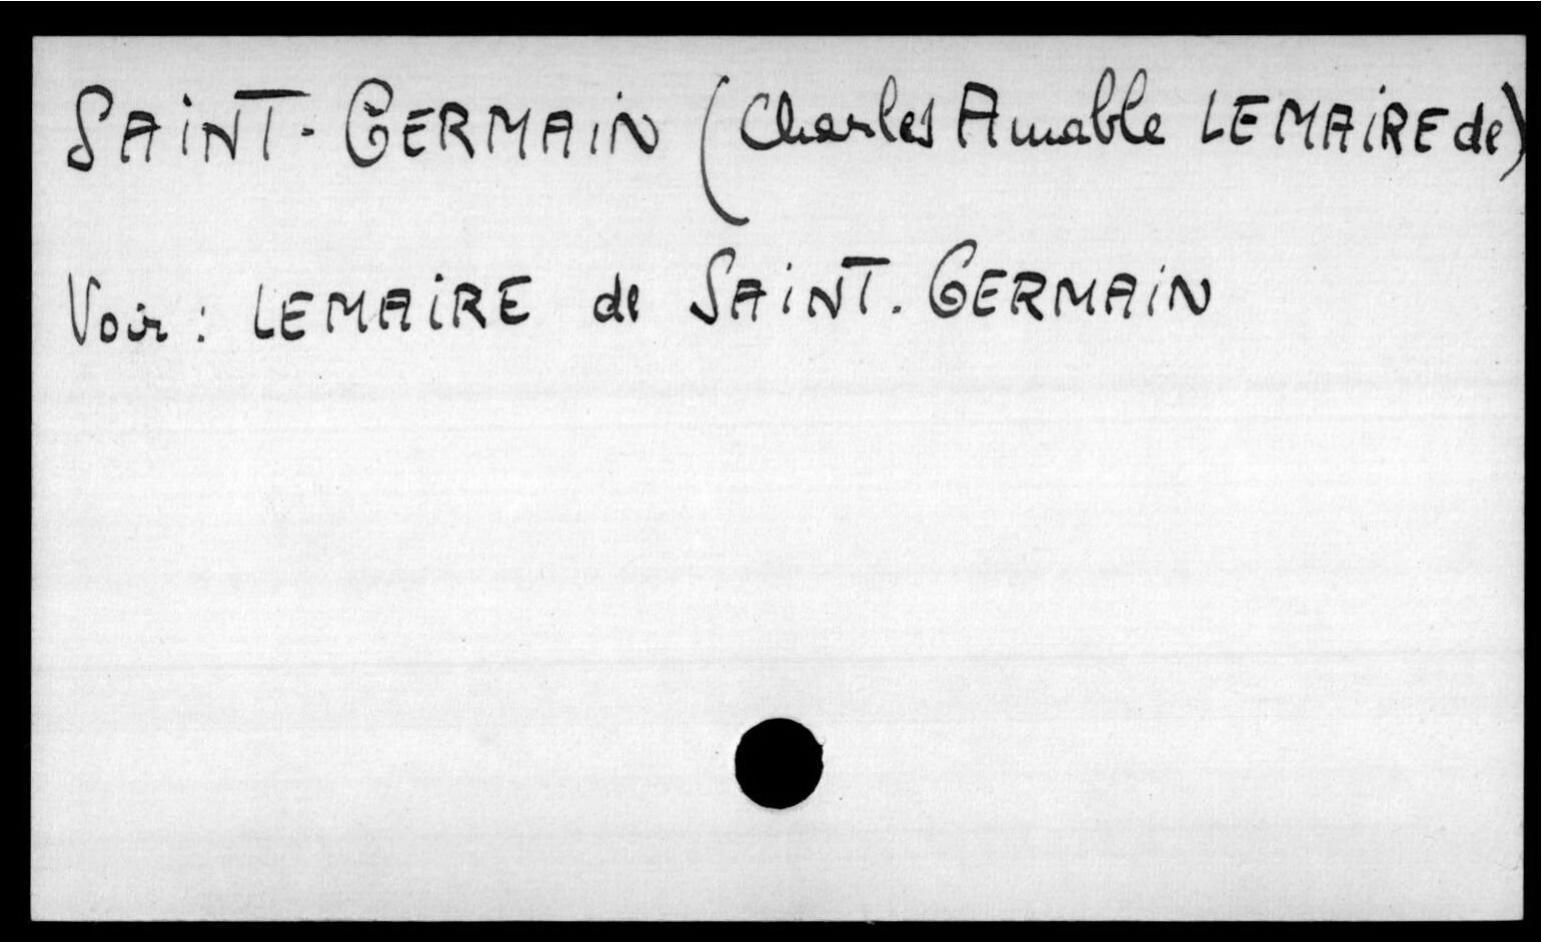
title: SAINT-GERMAIN (Charles Amable LEMAIRE de)
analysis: Voir : LEMAIRE de SAINT-GERMAIN
